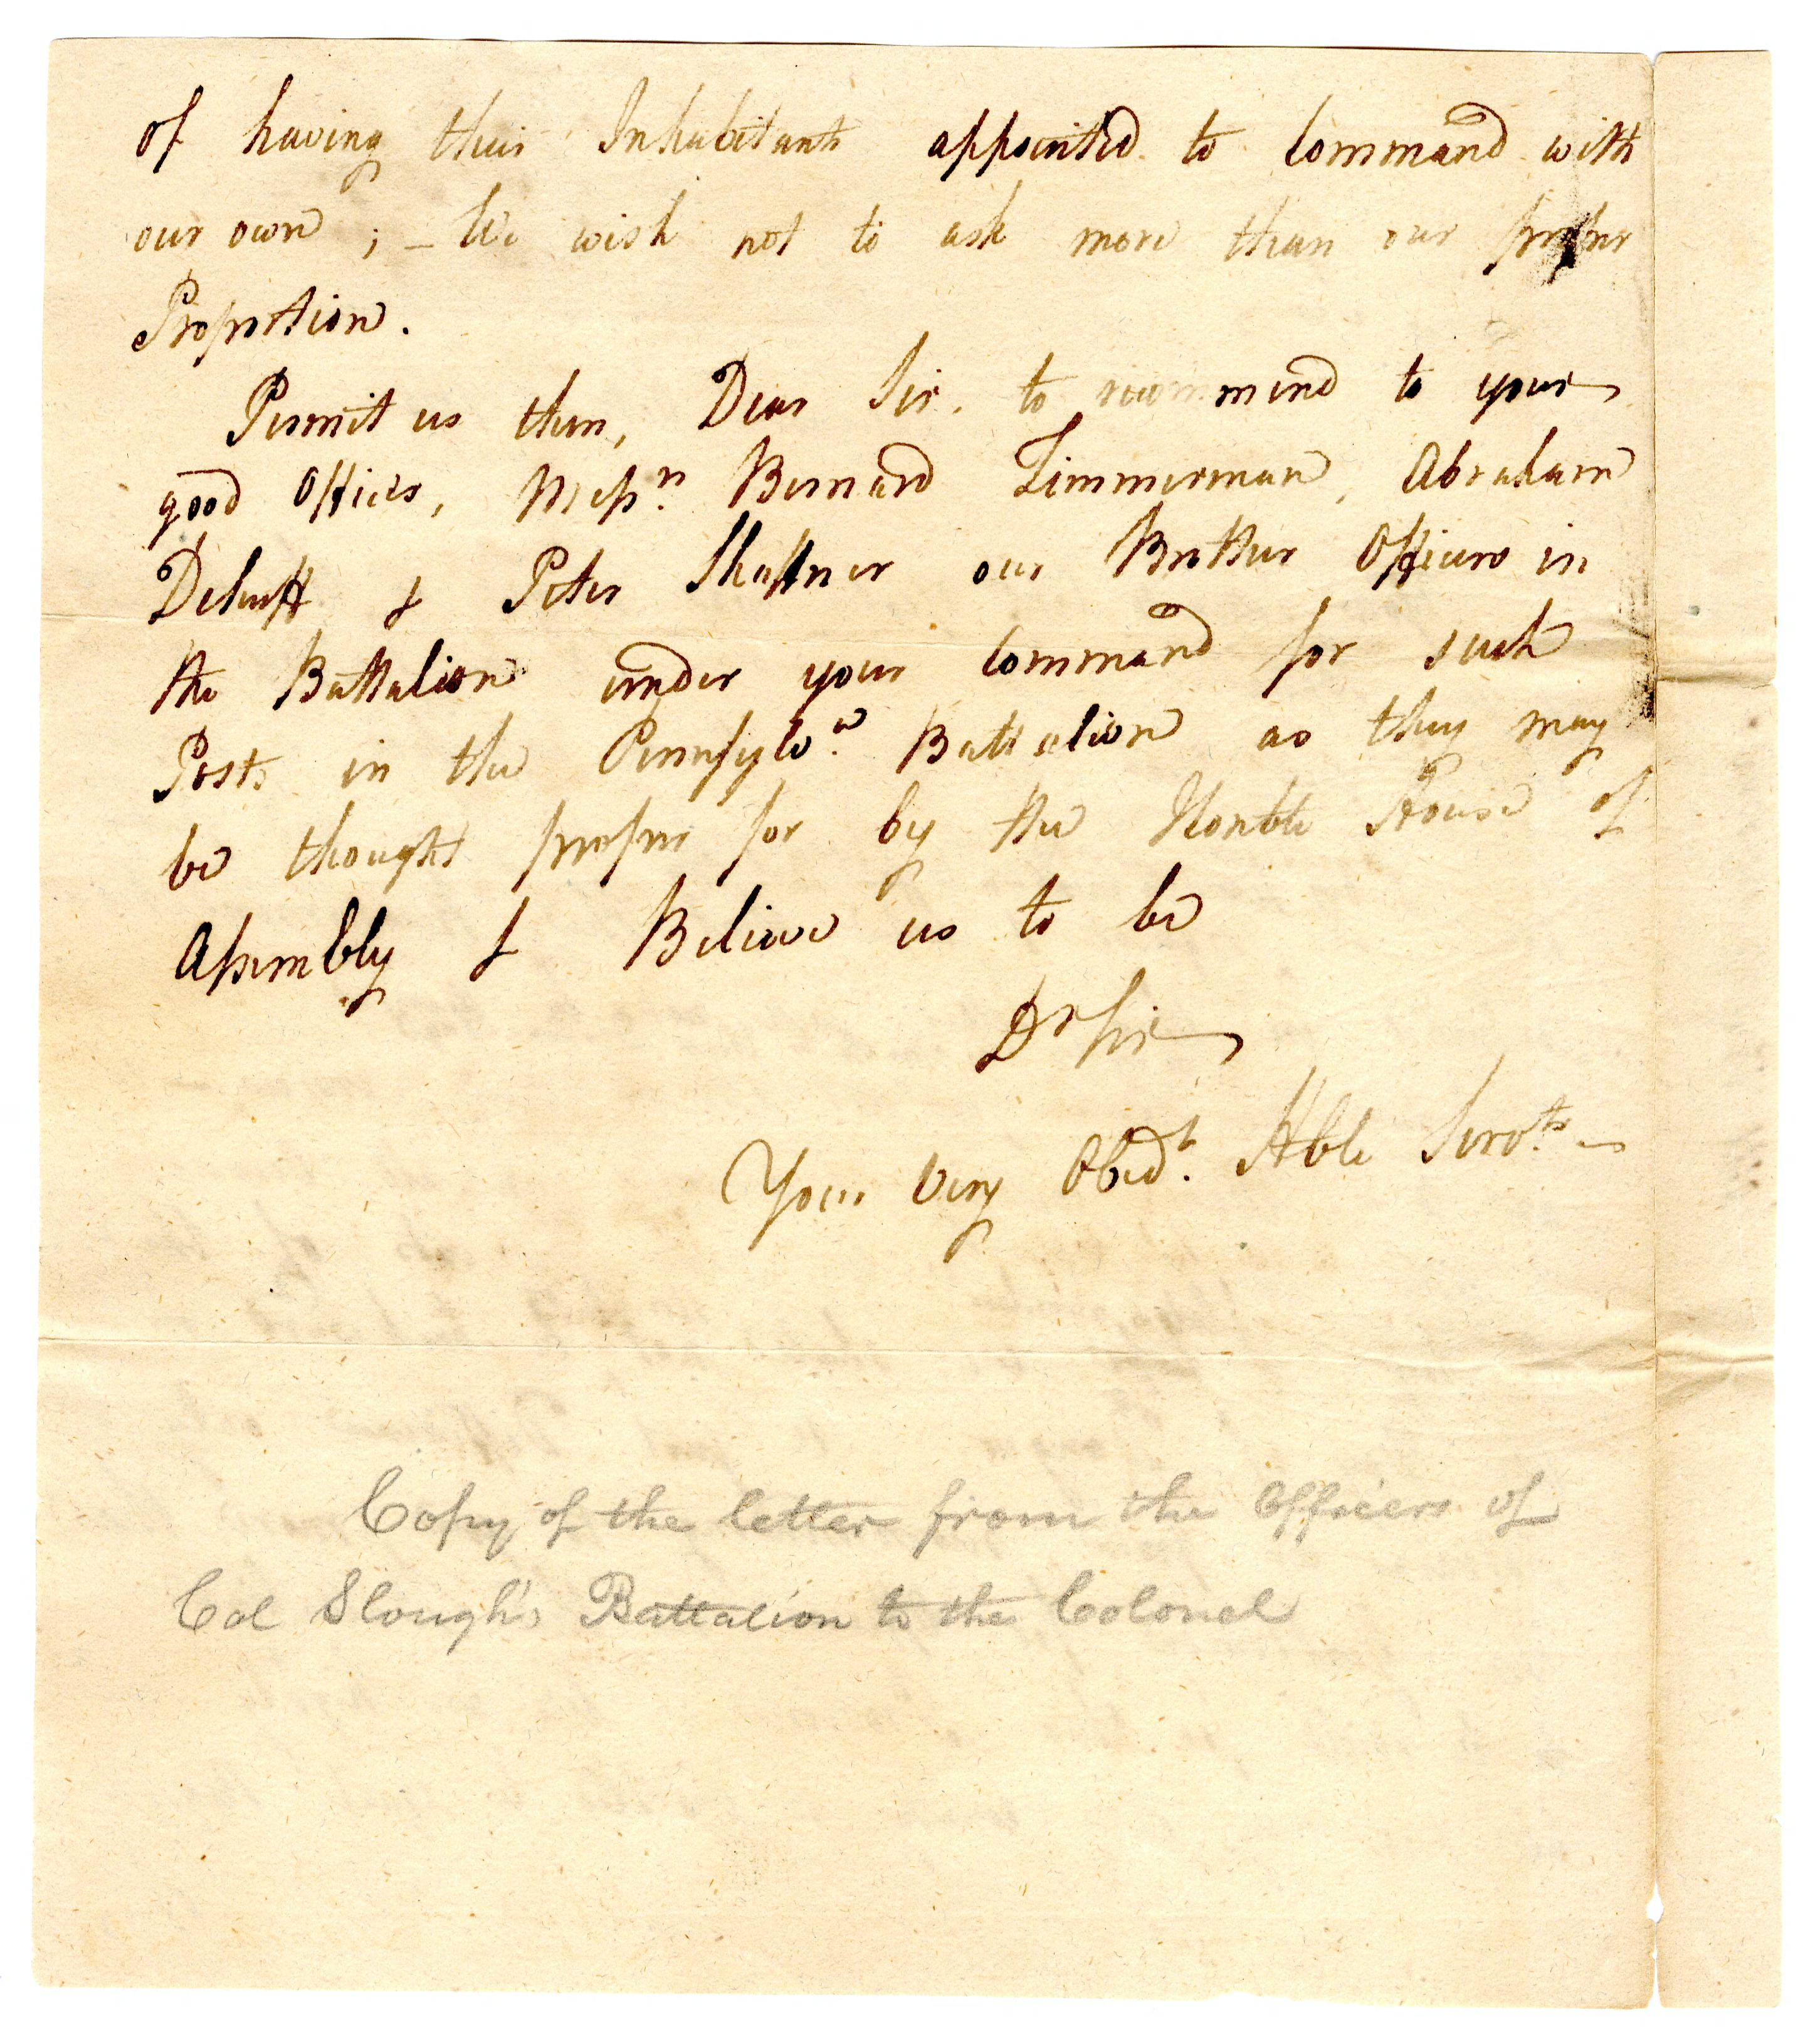of having their Inhabitants appointed to Command with
our own; We wish not to ask more than our proper
Proportion
Permit us then, Dear Sir, to recommend to your
good Offices, Mess^r. Bennard Timmerman Abraham
Desuff & Peter Shaffner our Brother Officers in
the Battalion under your Command for such
Posts in the Pennsylv^a Battalion as they may
be thought proper for by the Honble House of
Assembly I Believe us to be
D^r Sir
Your Very Obed^t. Hble Serv^ts.